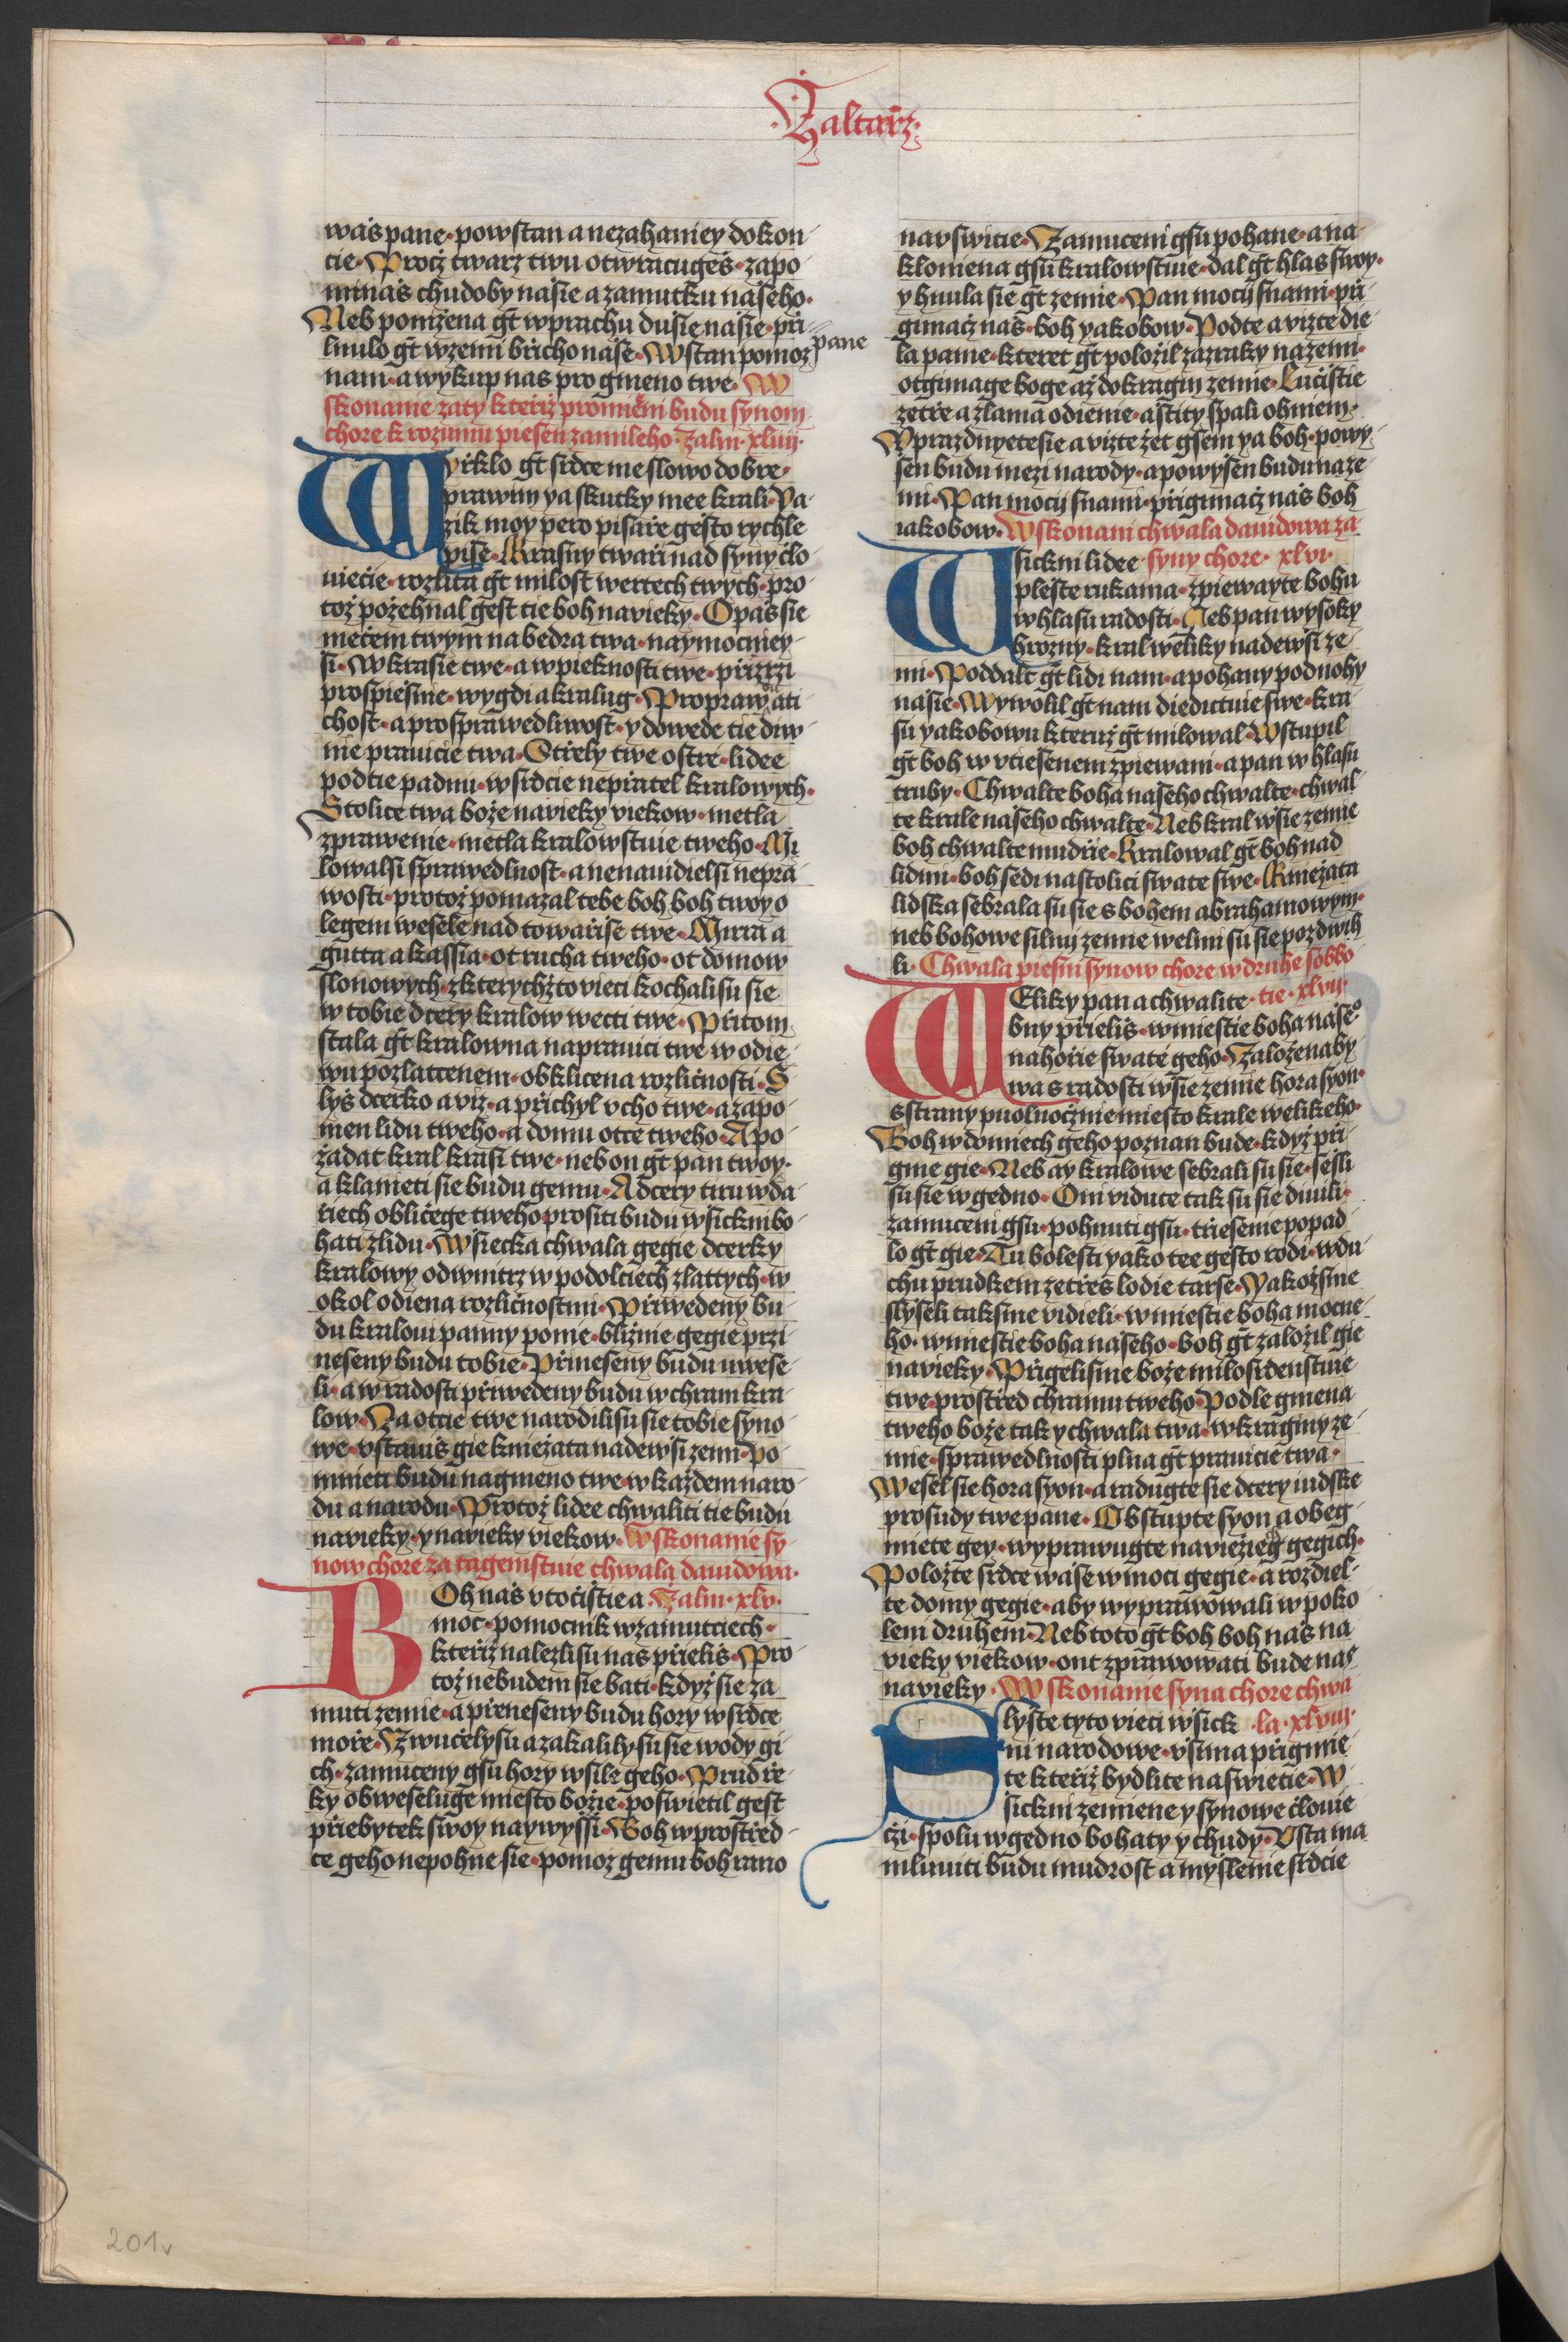.Żaltarz.
waṡ pane.powſtan a nezahaniey dokon¬
cie.Procż twarz twu otwracugeš.zapo¬
mínaṡ chudoby naẛie a zamutku naẛeho.
Neb poníżena ḡt wprchu duẛie naẛie.při¬
lnulo ḡt wzemi bṙicho naẛe.Wſtan pomoz
nam.a wykup nas pro gmeno twé.W
ſkonaníe zaty kteṙiż promíeni budu ſynom
choze k rozumu pieſen zamileho.Zalm.xliiij.
Yṙklo ḡt ſrdce me ſlowo dobre.
prawim ya ſkutky mee krali.Ya¬
zík moy pero píſaře geẛto rychle
píẛe.Kraſny twaṙí nad ſyny člo¬
uieċíe.rozlita ḡt miloſt wertech twych.pro¬
toż pożehnal geſt tie boh navieky.Opaṡ ſie
meċem twym nabedra twa.naymocniey¬
ẛí.Wkraſie twe.a wpieknoſti twe.pṙizrzi
proſpieẛnie.wygdi a kralug.Proprawouati¬
choſt.a proſprawedliwoſt.y dowede tie diw¬
nie prauicie twa.Stṙely twe oſtré.lidee
podtie padnú.w ſrdcie nepṙatel kralowych.
Stolice twa boże navieky viekow.metla
zpraweníe.metla kralowſtuíe tweho.Mi¬
lowalſi ſprawedlnoſt.a nenauidielſi nepra¬
woſti.protoż pomazal tebe boh boh twoy o¬
legem weſele nad towařiẛe twe.Mirra a
gutta a kaſſia.ot rucha tweho.ot domow
ſlonowych zkterychżto viecí kochaliſu ſie
w tobie dcery kralow wecti twé.Pṙitom
ſtala ḡt kralowna naprauici twe w odie¬
wu pozlatcenem.obklicena rozliċnoſtí.S¬
lyš dcerko a viz.a pṙíchyl vcho twe.a zapo¬
men lidu tweho.a domu otce tweho.A po¬
żadat kral kraſi twe.neb on ḡt pan twoy.
a klanieti ſie budu gemu.A dcery tíru wda¬
ṙíech obliċege tweho.proſiti budú wẛickni bo¬
hati zlidu.Wẛiecka chwala gegíe dcerky
kralowy odwnítrz w podolcíech zlattych.w¬
okol odíena rozliċnoſtmi.Pṙiwedeny bu¬
du kraloui panny poníe.bliżníe gegíe przí¬
neſeny budu tobie.Pṙineſeny budu uweſe¬
lí.a w radoſti pṙiwedeny budu w chram kra¬
low.Za otcie twe narodiliſu ſie tobie ſyno¬
we.vſtauíš gie kníeżata nadewẛi zemi.Po¬
mníeti budu nagmeno twe.w każdem naro¬
du a narodu.Protoż lidee chwaliti tíe budú
navieky.y navieky viekow.Wſkonanie ſy¬
now chore za tagemſtuie chwala dauidowa.
Oh naṡ vtoċiẛtiea.Żalm.xlv.
moc.pomocník wzamutciech.
kteṙíż nalezli ſu nas pṙíeliṡ.Pro¬
toż nebudem ſie bati.kdyż ſie za
mutí zemie.a pṙeneſeny budu hory w ſrdce
moṙe.Zwuċelyſu a zakalily ſu ſie wody gí¬
ch.zamuceny gſu hory wſile geho.Prud ṙe¬
ky obweſeluge mieſto bożie.poſwietil geſt
pṙiebytek ſwoy naywyẛẛí.Boh wproſtṙed¬
ce gehonepohne ſie.pomoz gemu boh rano
navſwicie.Zamuceni gſu pohane.a na¬
kloniena gſu kralowſtuíe.dal ḡt hlas ſwoy.
y hnula ſie ḡt zemie.Pan mocij ſnami.pṙi¬
gimacż naṡ.boh yakobow.Podte a vizte die¬
la panie.kteret ḡt polożil zazraky nazemi.
otgimage boge aż dokragin zemie.Luċiẛtie
zetṙe a žlama odieníe.aẛtíty ſpali ohníem.
Vprazdnyeteſie a vizte żet gſem ya boh.powy¬
ſen budu mezi narody.apowyẛen budu na ze¬
mi.Pan mocij ſnami.pṙigímacż naṡ boh
iakobow.Wſkonaní chwala dauidowa za¬
ẛicknilidee.ſyny chore.xlvi.
pleẛte rukama.zpiewayte bohu
w hlaſu radoſti.Neb pan wyſoky
hrozny.kral weliky nadewẛí ze¬
mi.Poddalt ḡt lidi nam.a pohany pod nohy
naẛie.Wywolil ḡt nam diedictuie ſwe.kra¬
ſu yakobowu kteruž ḡt milowal.Wſtupil
ḡt boh w vtieẛenem zpiewaní.a pan w hlaſu
truby.Chwalte boha naẛeho chwalte.chwal¬
te krale naẛeho chwalte.Neb kral wẛie zemie
boh chwalte mudṙie.Kralowal ḡt boh nad
lidmi.boh ſedi naſtolici ſwate ſwe.Kníeżata
lidſka ſebrala ſu ſie s bohem abrahamowym.
neb bohowe ſilnij zemie welmi ſu ſie pozdwih¬
li.Chwala pieſni ſynow chore w druge ſobbo¬
Eliky pan a chwalte.tie. xlvij.
bny pṙieliš.wmieſtie boha naẛe°.
nahořie ſwaté geho.Založena by¬
wa sradoſtí wẛíe zemie hora ſyon.
sſtrany puolnocžnie mieſto krale welikeho.
Boh w domíech geho poznan bude.když při¬
gme gie.Neb ay kralowe ſebrali ſu ſie.ſeẛli
ſu ſie w gedno.Oni viduce tak ſu ſie díuili.
zamuceni gſu.pohnuti gſu.tṙieſeníe popad¬
lo ḡt gie.Tu boleſti yako tee geẛto rodi.wdu¬
chu prudkem zetṙes lodíe tarſe.Yakożſme
ſlyẛeli takſme vidieli.wmieſtie boha mocne¬
ho.wmieſtie boha naẛeho.boh ḡt založil gie
navieky.Pṙigeliſme boże miloſrdenſtuíe
twe.proſtṙed chramu tweho.Podle gmena
tweho boŻe tak y chwala twa.wkragimy ze¬
mie.ſprawedlnoſti plna ḡt prauicíe twa.
Weſel ſie hora ſyon.a radugte ſie dcery íudſke
proſudy twepane.Obſtupte ſyon k obeg¬
míete gey.wyprawugte naviežiegch gegich.
Položte ſrdce waẛe w moci gegíe.a rozdiel¬
te domy gegíe.aby wyprawowali wpoko¬
lení druhem.Neb toto ḡt boh boh naṡ na
vieky viekow.ont zprawowati bude nas
navieky.W ſkonaníe ſyna chore chwa¬
lyẛte tyto vieci wẛick.la.xlviij.
ni narodowe.vẛima pṙigmie¬
te kteṙíž bydlite naſwietie.W¬
ẛickni zemíene y ſynowe člouíe¬
cží.ſpolu wgedno bohaty y chudy.Vſta ma
mluuíti budu mudroſt a myẛleníe ſrdcie